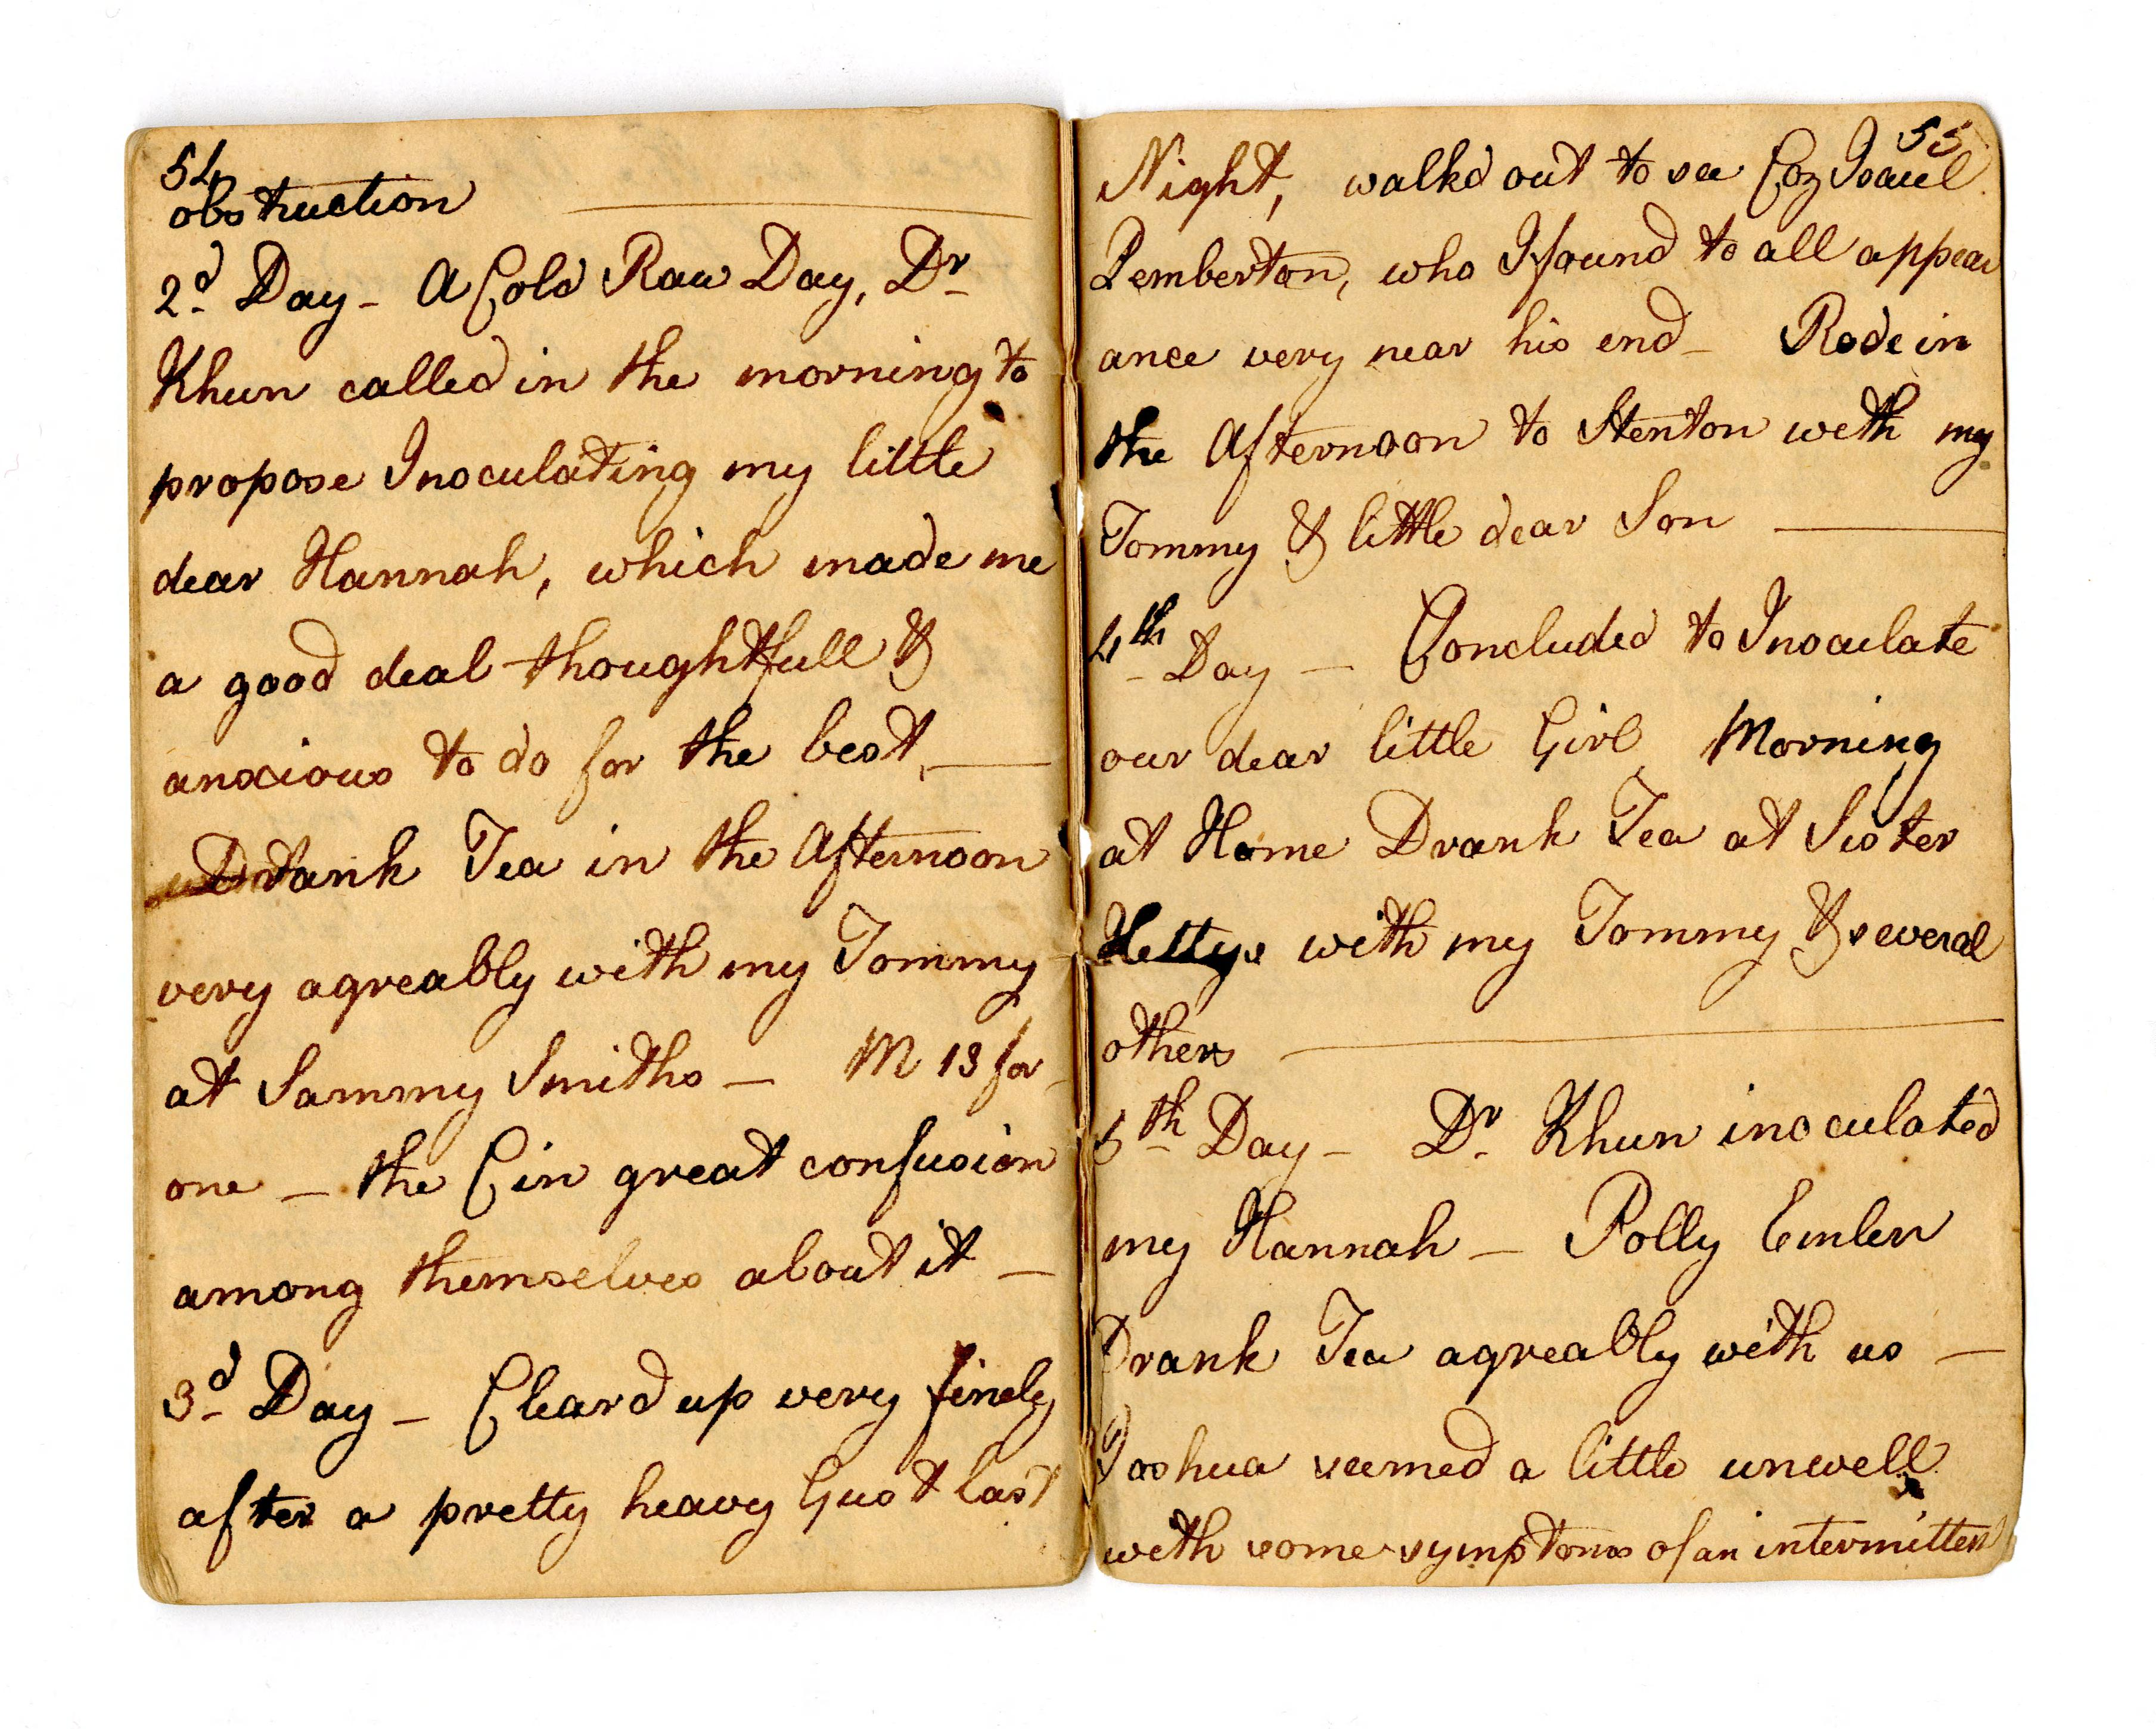54
obstruction
2^d. Day- A Cold Raw Day, D^r.
Khun called in the morning to
propose Inoculating my little
dear Hannah, which made me
a good deal thoughtfull &
anxious to do for the best-
Drank Tea in the Afternoon
very agreably with my Tommy
at Sammy Smiths- M 13 for
one- the Cin great confusion
among themselves about it-
3^d. Day- Cleard up very finely
after a pretty heavy Gust last
55
Night, walkd out to see Coz Isarel
Pemberton, who I found to all appear
ance very near his end- Rode in
the Afternoon to Stenton with my
Tommy & little dear Son-
4^th Day- Concluded to Inoculate
our dear little Girl Morning
at Home Drank Tea at Sister
Hettys with my Tommy & several
others
5^th Day- D^r. Khun inoculated
my Hannah- Polly Emlen
Drank Tea agreably with us-
Joshua seemed a little unwell
with some symptoms of an intermittent